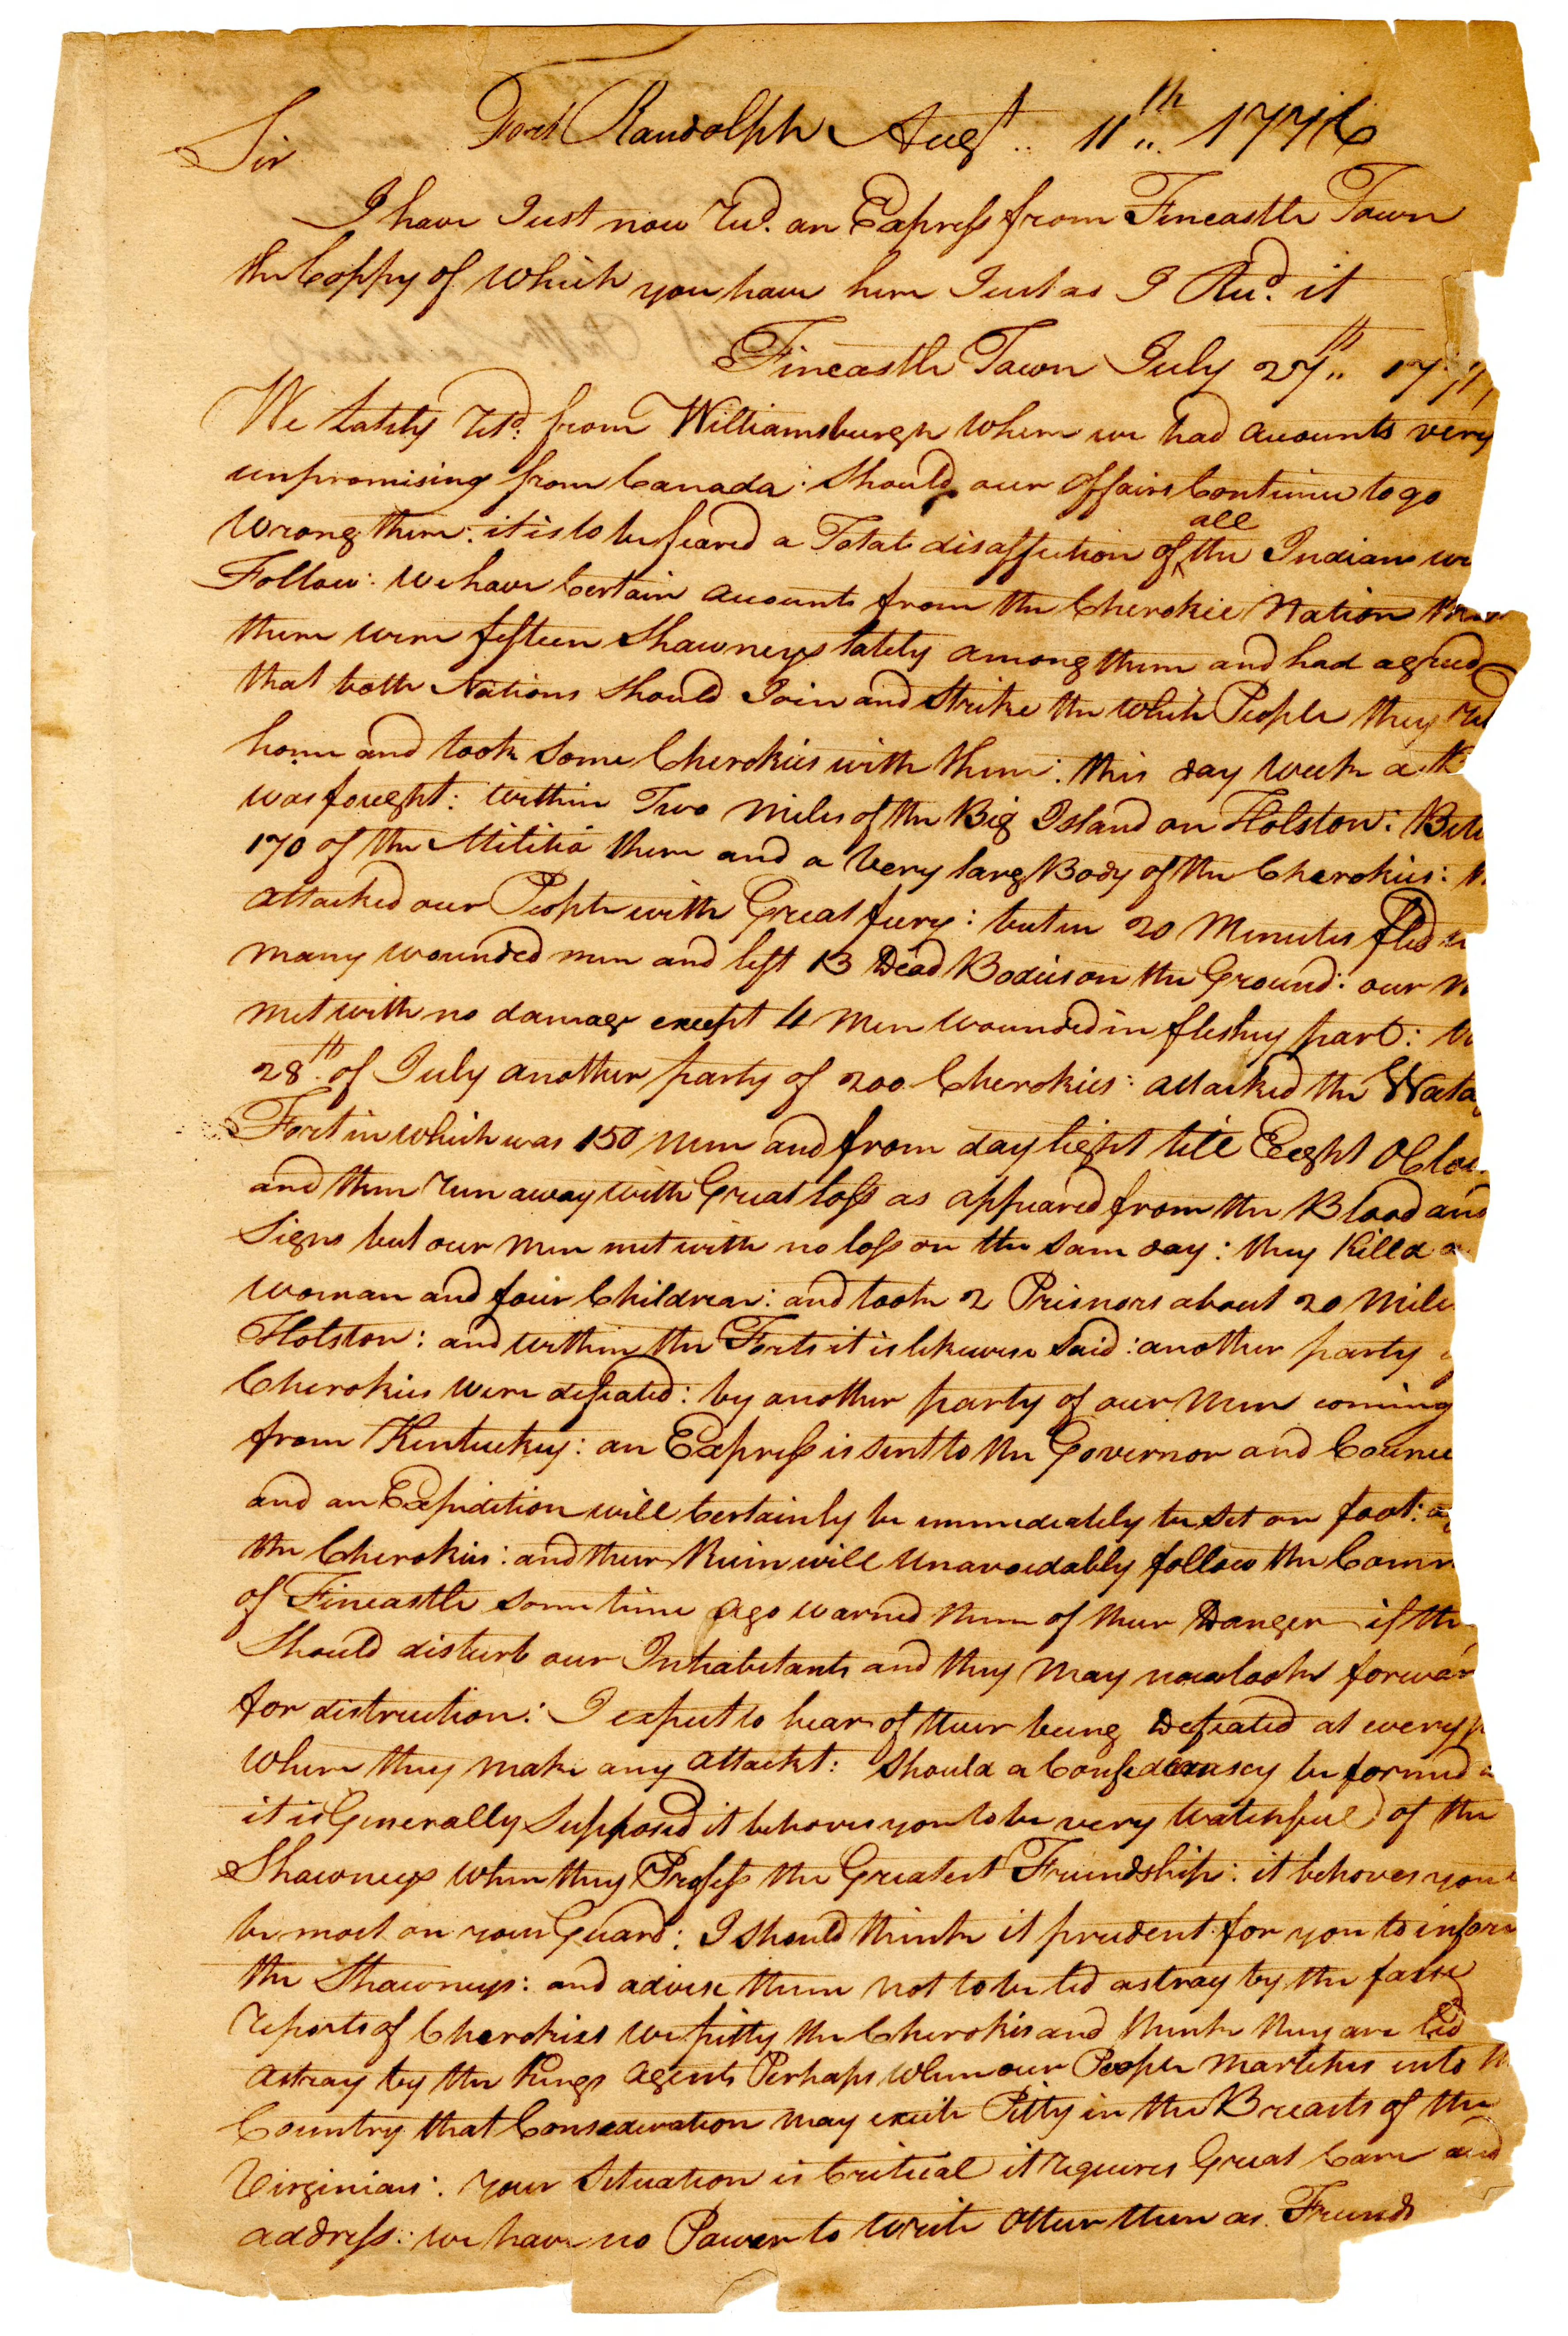Fort Randolph Aug^t. 11^th. 1776
Sir
I have Just now rec^d. an Express from Fincastle Town
the Coppy of Which you have here Just as I Rec^d. it
Fincastle Town July 27^th. 177
We latety ret^d. from Williamsburg when we had accounts very
unpromising pour Canada: Should our Affairs Continue to go
all
Wrong there: it is to be feared a Total disaffection of ^ the Indians can
Follow: We have Certain accounts from the Cherokie Nation that
there were fifteen Shawneys lately among them and had agreed
that both Nations should Join and Strike the white People they re
home and took Some Cherokies with them: this day weeks at the
was fought: within Two miles of the Big Island on Holston: Batt
170 of the Militia there and a very larg Body of the Cherokies:
attacked our People with Great fury: but in 20 Minutes fled
many wounded men and left 13 Dead Bodies on the Ground: our n
met with no damage except 4 Men wounded in fleshey part:
28^th. of July another party of 200 Cherokies: attacked the Wala
Fort in which was 150 men and from daylight till Eight OCloc
and then run away with Great loss as appeared from the Blood and
Signs but our men met with no loss on the Same day: they kill'd a
woman and four Children: and took 2 Prisoners about 20 Mile
Holston: and within the Forts it is likewise Said another party
Cherokies were defeated: by another party of our men coming
from Kentuckey: an Express is sent to the Governor and Counce
and an Expedition will certainly be immediately to set on foot: a
the Cherokies: and their Ruin will Unavoidably follow the Coun
of Fincastle sometime ago warned them of their Danger if th
should disturb our Inhabitants and they may now look forward
for destruction. I expect to hear of their being Defeated at every
Where they make any Attacks: Should a Confederacy be formed a
it is Generally Supposed it behoves you to be very Watchful of the
Shawneys when they Profess the Greatest Friendship: it behoves you
be most on your Guard: I should think it prudent for you to inform
the Shawneys: and advise them not to be led astray by the false
reports of Cherokies we pitty the Cherokies and think they are led
Astray by the Kings agents Perhaps when our People Marches into
Country that Conservation may excite Pitty in the Breasts of the
Virginians. Your Situation is Critical it requires Great Care and
address: we have no Power to write other than as Friends